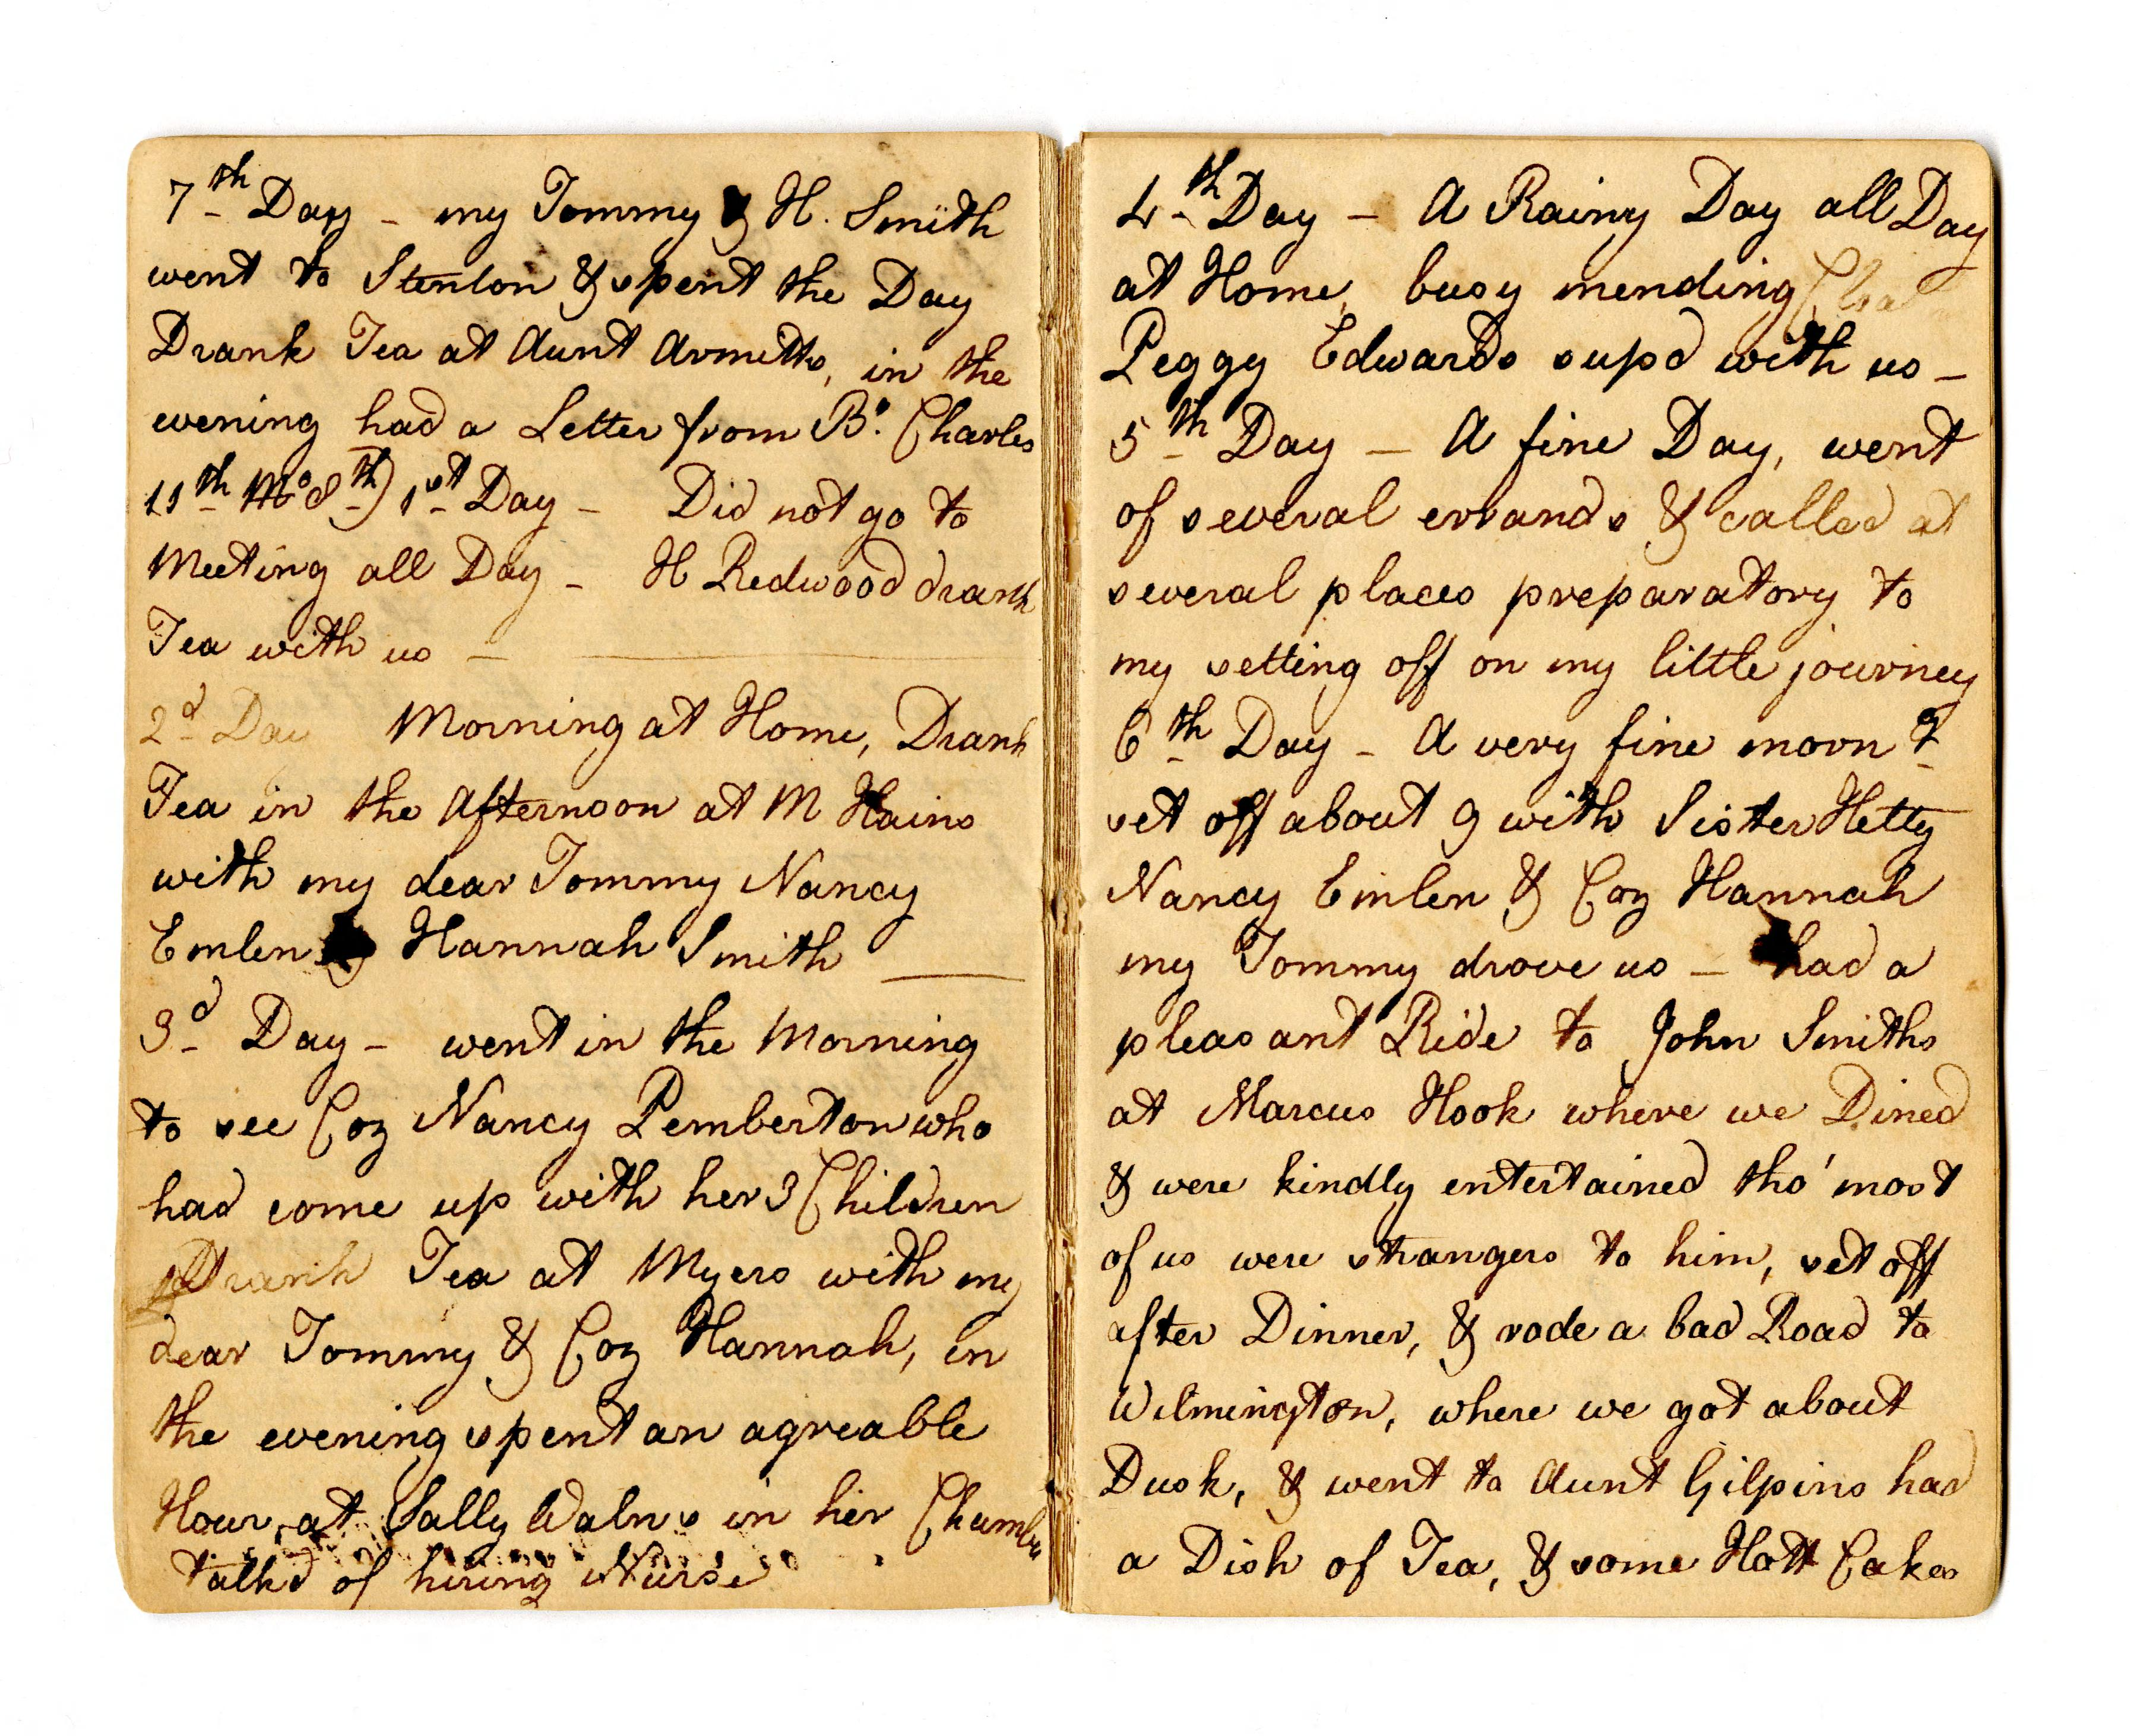7^th Day- my Tommy & H. Smith
went to Stenton & spent the Day
Drank Tea at Aunt Armitts, in the
evening had a Letter from B^r. Charles
11^th M^o 8^th) 1^st Day- Did not go to
Meeting all Day- H Redwood drank
Tea with us-
2^d. Day- Morning at Home, Drank
Tea in the Afternoon at M Hains
with my dear Tommy Nancy
Emlen [_] Hannah Smith -
3^d. Day- went in the Morning
to see Coz Nancy Pemberton who
had come up with her 3 Children
Drank Tea at Myers with my
dear Tommy & Coz Hannah, in
the evening spent an agreable
Hour, at Sally Walns in her Chambe
talkd of hiring Nurse
4^th Day- A Rainy Day all Day
at Home, busy mending [Cloak]
Peggy Edwards supd with us-
5^th Day- A fine Day, went
of several errands & called at
several places preparatory to
my setting off on my little journey
6^th Day- A very fine morn^g
set off about 9 with Sister Hetty
Nancy Emlen & Coz Hannah
my Tommy drove us- had a
pleasant Ride to John Smiths
at Marcus Hook where we Dined
& were kindly entertained tho' most
of us were strangers to him, set off
after Dinner, & rode a bad Road to
Wilmington, where we got about
Dusk, & went to Aunt Gilpins had
a Dish of Tea, & some Hott Cakes